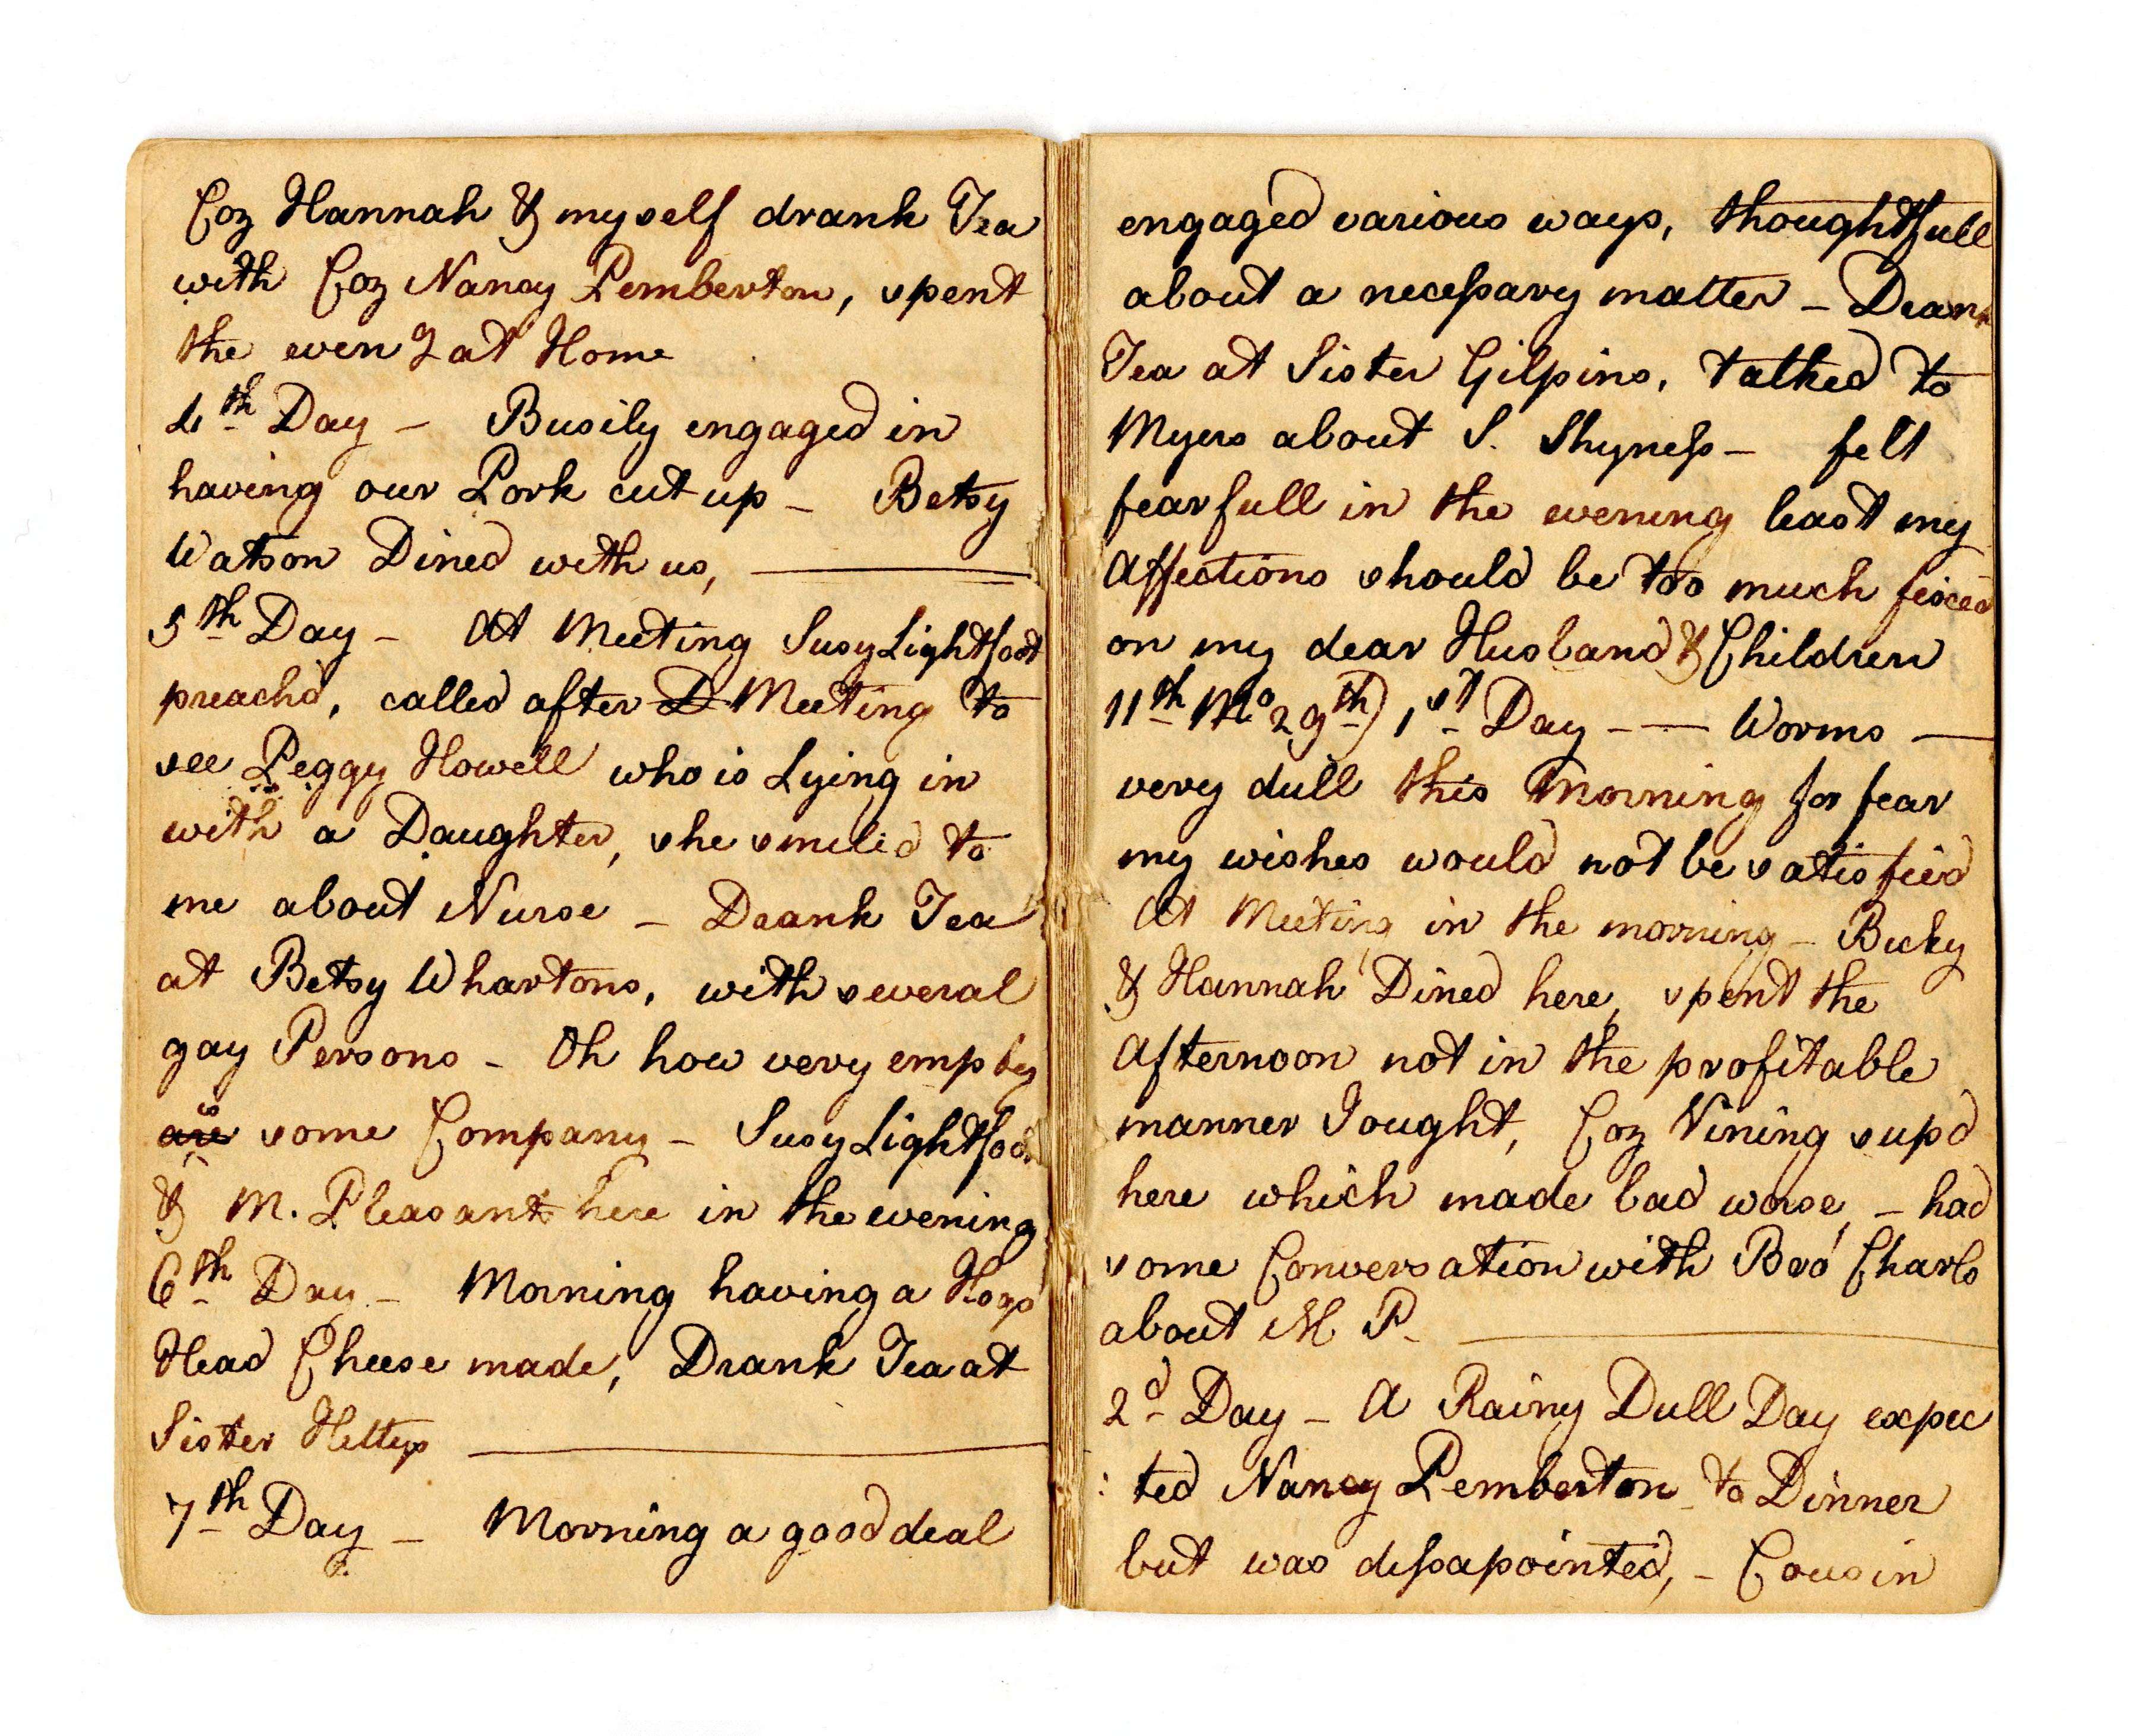Coz Hannah & myself drank Tea
with Coz Nancy Pemberton, spent
the even^g at Home
4^th Day- Busily engaged in
having our Pork cut up- Betsy
Watson Dined with us,-
5^th Day- At Meeting Susy Lightfoot
preachd, called after [D] Meeting to
see Peggy Howell who is Lying in
with a Daughter, she smiled to
me about Nurse- Drank Tea
at Betsy Whartons, with several
gay Persons- Oh how very empty
is
[are] some Company- Susy Lightfoot
& M. Pleasants here in the evening
6^th Day- Morning having a Hogs
Head Cheese made, Drank Tea at
Sister Hettys-
7^h Day- Morning a good deal
engaged various ways, thoughtfull
about a necessary matter- Drank
Tea at Sister Gilpins, talked to
Myers about S. Shyness- felt
fearfull in the evening least my
Affections should be too much fixed
on my dear Husband & Children
11^th M^o 29^th) 1^st Day- Worms-
very dull this Morning for fear
my wishes would not be satisfied
At Meeting in the morning- Becky
& Hannah Dined here, spent the
Afternoon not in the profitable
manner I ought, Coz Vining supd
here which made bad worse- had
some Conversation with Bro' Charls
about M P.
2^d Day- A Rainy Dull Day expec
-ted Nancy Pemberton to Dinner
but was dissapointed,- Cousin